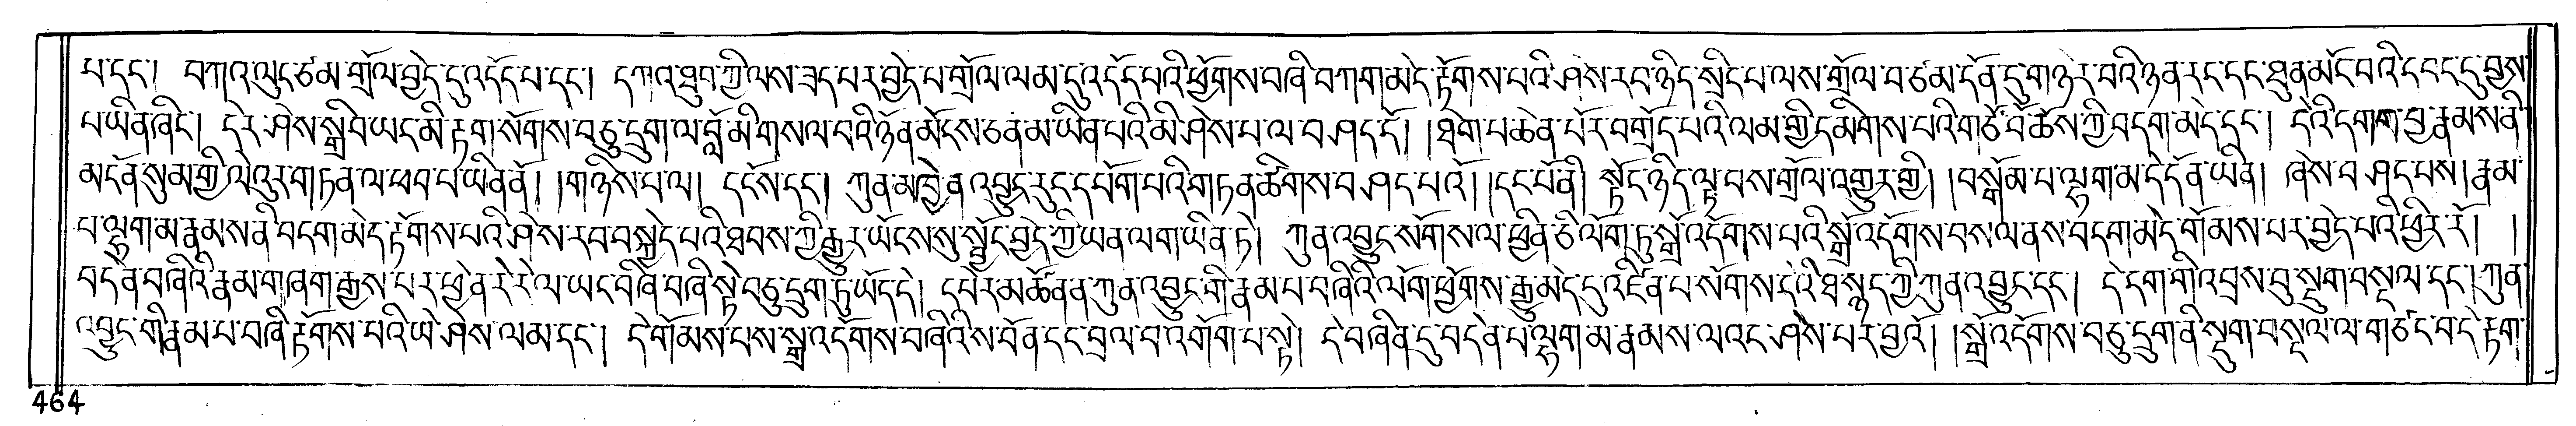པ་དང་། བཀའ་ལུང་ཙམ་གྲོལ་བྱེད་དུ་འདོད་པ་དང་། དཀའ་ཐུབ་ཀྱི་ལས་ཟད་པར་བྱེད་པ་གྲོལ་ལམ་དུ་འདོད་པའི་ཕྱོགས་བཞི་བཀག་མེད་རྟོགས་པའི་ཤེས་རབ་ཉིད་སྲིད་པ་ལས་གྲོལ་བ་ཙམ་དོན་དུ་གཉེར་བའི་ཉན་རང་དང་ཐུན་མོང་བའི་དབང་དུ་བྱས་
པ་ཡིན་ཞིང་། དེར་ཤེས་སྒྲིབ་ཡང་མི་རྟག་སོགས་བཅུ་དྲུག་ལ་བློ་མི་གསལ་བའི་ཉོན་མོངས་ཅན་མ་ཡིན་པའི་མི་ཤེས་པ་ལ་བཤད་དོ། །ཐེག་པ་ཆེན་པོར་བགྲོད་པའི་ལམ་གྱི་དམིགས་པའི་གཙོ་བོ་ཆོས་ཀྱི་བདག་མེད་དང་། དེའི་དགག་བྱ་རྣམས་ནི་
མངོན་སུམ་གྱི་ལེའུར་གཏན་ལ་ཕབ་པ་ཡིན་ནོ། །གཉིས་པ་ལ། དངོས་དང་། ཀུན་མཁྱེན་འབྱུང་རུང་དཔོག་པའི་གཏན་ཚིགས་བཤད་པའོ། །དང་པོ་ནི། སྟོང་ཉིད་ལྟ་བས་གྲོལ་འགྱུར་གྱི། །བསྒོམ་པ་ལྷག་མ་དེ་དོན་ཡིན། ཞེས་བཤད་པས། རྣམ་
པ་ལྷག་མ་རྣམས་ནི་བདག་མེད་རྟོགས་པའི་ཤེས་རབ་བསྐྱེད་པའི་ཐབས་ཀྱི་རྒྱུར་ཡོངས་སུ་སྦྱོང་བྱེད་ཀྱི་ཡན་ལག་ཡིན་ཏེ། ཀུན་འབྱུང་སོགས་ལ་ཕྱིན་ཅི་ལོག་ཏུ་སྒྲོ་འདོགས་པའི་སྒྲོ་འདོགས་བསལ་ནས་བདག་མེད་གོམས་པར་བྱེད་པའི་ཕྱིར་རོ། །
བདེན་བཞིའི་རྣམ་གཞག་རྒྱས་པར་ཕྱེ་ན་རེ་རེ་ལ་ཡང་བཞི་བཞི་སྟེ་བཅུ་དྲུག་ཏུ་ཡོད་དེ། དཔེར་མཚོན་ན་ཀུན་འབྱུང་གི་རྣམ་པ་བཞིའི་ལོག་ཕྱོགས་རྒྱུ་མེད་དུ་འཛིན་པ་སོགས་དེའི་ཐ་སྙད་ཀྱི་ཀུན་འབྱུང་དང་། དེ་དག་གི་འབྲས་བུ་སྡུག་བསྔལ་དང་། ཀུན་
འབྱུང་གི་རྣམ་པ་བཞི་རྟོགས་པའི་ཡེ་ཤེས་ལམ་དང་། དེ་གོམས་པས་སྒྲོ་འདོགས་བཞིའི་ས་བོན་དང་བྲལ་བ་འགོག་པ་སྟེ། དེ་བཞིན་དུ་བདེན་པ་ལྷག་མ་རྣམས་ལའང་ཤེས་པར་བྱའོ། །སྒྲོ་འདོགས་བཅུ་དྲུག་ནི་སྡུག་བསྔལ་ལ་གཙང་བདེ་རྟག་